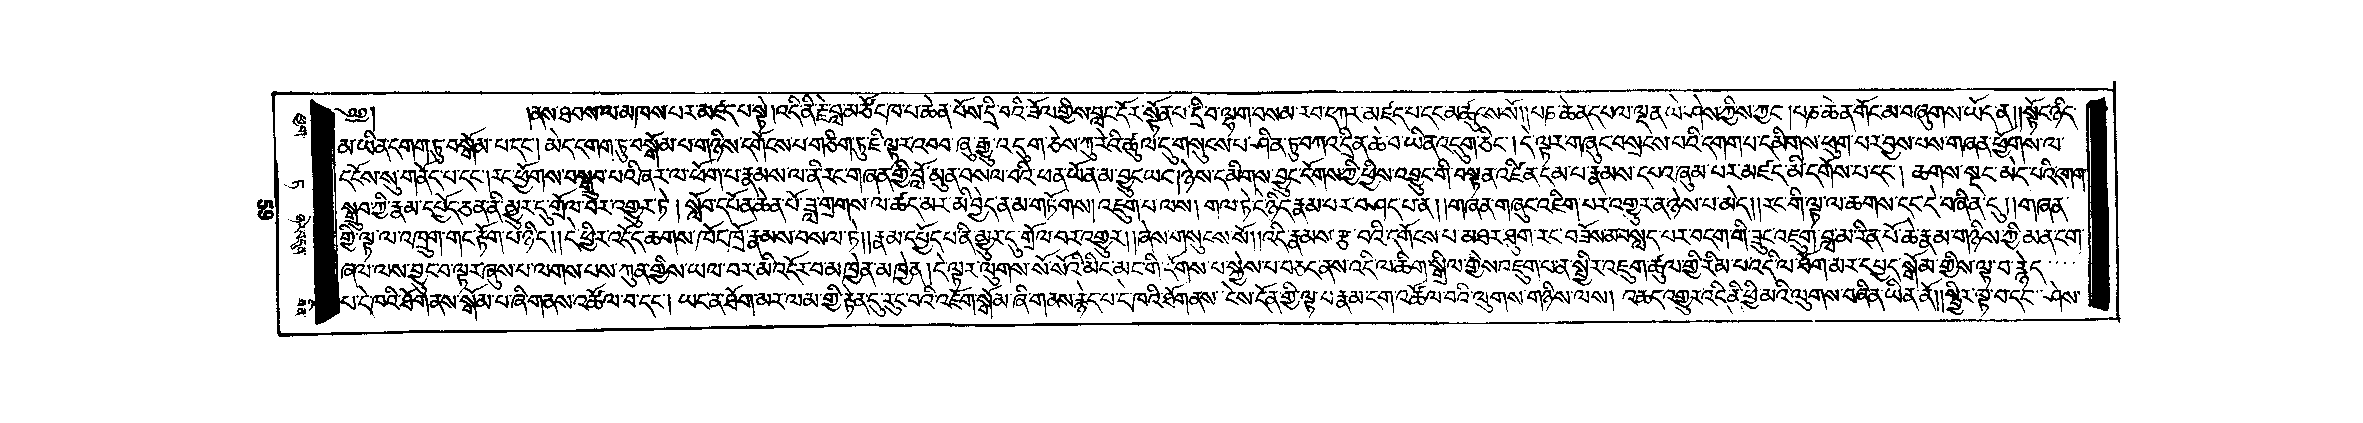༄༅། །ནས་ཐབས་ལ་མཁས་པར་མཛད་པ་སྟེ། འདི་ནི་རྗེ་བླ་མ་ཙོང་ཁ་པ་ཆེན་པོས་དྲི་བའི་ཟོལ་གྱིས་བླང་དོར་སྟོན་པ་དྲི་བ་ལྷག་བསམ་རབ་དཀར་མཛད་པ་དང་མཚུངས་སོ། །པཎ་ཆེན་དཔལ་ལྡན་ཡེ་ཤེས་ཀྱིས་ཀྱང་། པཎ་ཆེན་གོང་མ་བཞུགས་ཡོད་ན། །སྟོང་ཉིད་
མ་ཡིན་དགག་ཏུ་བསྒོམ་པ་དང་། མེད་དགག་ཏུ་བསྒོམ་པ་གཉིས་དགོངས་པ་གཅིག་ཏུ་ཇི་ལྟར་འབབ་ཞུ་རྒྱུ་འདུག་ཅེས་ཀུ་རེའི་ཚུལ་དུ་གསུངས་པ་ཤིན་ཏུ་བཀའ་དྲིན་ཆེ་བ་ཡིན་འདུག་ཅིང་། དེ་ལྟར་གཞུང་བསྲངས་པའི་དགག་པ་དམིགས་ཕུག་པར་བྱས་པས་གཞན་ཕྱོགས་ལ་
དངོས་སུ་གནོད་པ་དང་། རང་ཕྱོགས་བསྒྲུབ་པའི་ཞར་ལ་ཕོག་པ་རྣམས་ལ་ནི་རང་གཞན་གྱི་བློ་མུན་བསལ་བའི་ཕན་ཡོན་མ་བྱུང་ཡང་། ཉེས་དམིགས་བྱུང་དོགས་ཀྱི་ཕྱིས་འབྱུང་གི་བསྟན་འཛིན་དམ་པ་རྣམས་དཔའ་ཞུམ་པར་མཛད་མི་དགོས་པ་དང་། ཆགས་སྡང་མེད་པའི་དགག་
སྒྲུབ་ཀྱི་རྣམ་དཔྱོད་ཅན་ནི་མྱུར་དུ་གྲོལ་བར་འགྱུར་ཏེ། སློབ་དཔོན་ཆེན་པོ་ཟླ་གྲགས་ལ་ཚད་མར་མི་བྱེད་ན་མ་གཏོགས། འཇུག་པ་ལས། གལ་ཏེ་དེ་ཉིད་རྣམ་པར་བཤད་པ་ན། །གཞན་གཞུང་འཇིག་པར་འགྱུར་ན་ཉེས་པ་མེད། །རང་གི་ལྟ་ལ་ཆགས་དང་དེ་བཞིན་དུ། །གཞན་
གྱི་ལྟ་ལ་འཁྲུག་གང་རྟོག་པ་ཉིད། །དེ་ཕྱིར་འདོད་ཆགས་ཁོང་ཁྲོ་རྣམས་བསལ་ཏེ། །རྣམ་དཔྱོད་པ་ནི་མྱུར་དུ་གྲོལ་བར་འགྱུར། །ཞེས་གསུངས་སོ། །འདི་རྣམས་རྩ་བའི་དགོངས་པ་མཐར་ཐུག་རང་བཟོས་མ་བསླད་པར་བདག་གི་ཟུང་འཇུག་བླ་མ་རིན་པོ་ཆེ་རྣམ་གཉིས་ཀྱི་མན་ངག་
ཞལ་ལས་བྱུང་བ་ལྟར་ཞུས་པ་ལགས་པས་ཀུན་གྱིས་ཡལ་བར་མི་འདོར་བ་མཁྱེན་མཁྱེན། དེ་ལྟར་ལུགས་སོ་སོའི་མིང་མང་གི་དོགས་པ་སྐྱེས་པ་བཅད་ནས་འདི་ལ་ཆིག་སྒྲིལ་གྱིས་འཇུག་པ་ན་སྤྱིར་འཇུག་ཚུལ་གྱི་རིམ་པ་འདི་ལ་ཐོག་མར་དཔྱད་སྒོམ་གྱིས་ལྟ་བ་རྙེད་
པ་དེ་ཁའི་ཐོག་ནས་སྒོམ་པ་ཞི་གནས་འཚོལ་བ་དང་། ཡང་ན་ཐོག་མར་ལམ་གྱི་རྟེན་དུ་རུང་བའི་འཇོག་སྒོམ་ཞི་གནས་རྙེད་པ་དེ་ཁའི་ཐོག་ནས་ངེས་དོན་གྱི་ལྟ་པ་རྣམ་དག་འཚོལ་བའི་ལུགས་གཉིས་ལས། འཆད་འགྱུར་འདི་ནི་ཕྱི་མའི་ལུགས་བཞིན་ཡིན་ནོ། །སྦྱིར་ལྟ་བ་དང་ཤེས་